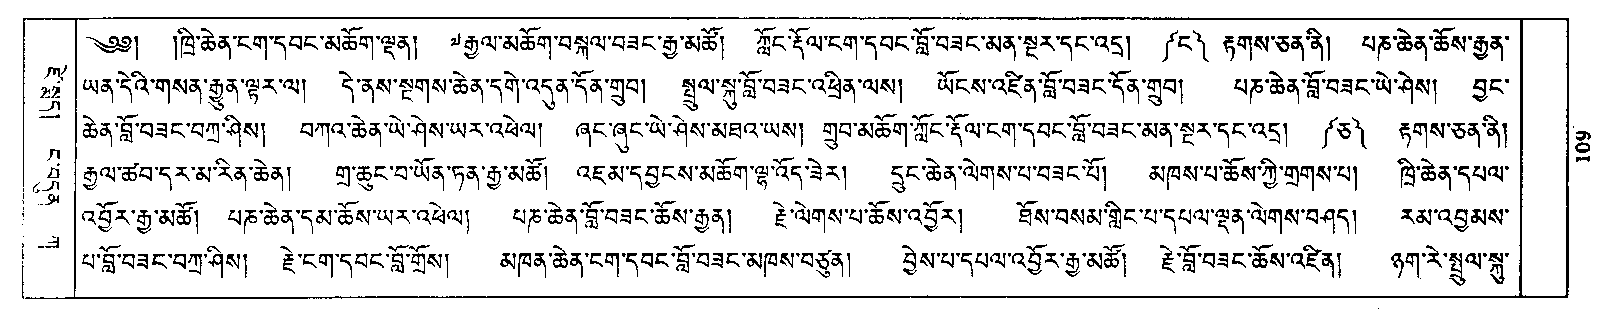༄༅། །ཁྲི་ཆེན་ངག་དབང་མཆོག་ལྡན། ༈ རྒྱལ་མཆོག་བསྐལ་བཟང་རྒྱ་མཚོ། ཀློང་རྡོལ་ངག་དབང་བློ་བཟང་མན་སྔར་དང་འདྲ། ?ང་རྟགས་ཅན་ནི། པཎ་ཆེན་ཆོས་རྒྱན་
ཡན་དེའི་གསན་རྒྱུན་ལྟར་ལ། དེ་ནས་སྔགས་ཆེན་དགེ་འདུན་དོན་གྲུབ། སྤྲུལ་སྐུ་བློ་བཟང་འཕྲིན་ལས། ཡོངས་འཛིན་བློ་བཟང་དོན་གྲུབ། པཎ་ཆེན་བློ་བཟང་ཡེ་ཤེས། བྱང་
ཆེན་བློ་བཟང་བཀྲ་ཤིས། བཀའ་ཆེན་ཡེ་ཤེས་ཡར་འཕེལ། ཞང་ཞུང་ཡེ་ཤེས་མཐའ་ཡས། གྲུབ་མཆོག་ཀློང་རྡོལ་ངག་དབང་བློ་བཟང་མན་སྔར་དང་འདྲ། ?ཅ་རྟགས་ཅན་ནི།
རྒྱལ་ཚབ་དར་མ་རིན་ཆེན། གྲ་ཆུང་བ་ཡོན་ཏན་རྒྱ་མཚོ། འཇམ་དབྱངས་མཆོག་ལྷ་འོད་ཟེར། དྲུང་ཆེན་ལེགས་པ་བཟང་པོ། མཁས་པ་ཆོས་ཀྱི་གྲགས་པ། ཁྲི་ཆེན་དཔལ་
འབྱོར་རྒྱ་མཚོ། པཎ་ཆེན་དམ་ཆོས་ཡར་འཕེལ། པཎ་ཆེན་བློ་བཟང་ཆོས་རྒྱན། རྗེ་ལེགས་པ་ཆོས་འབྱོར། ཐོས་བསམ་གླིང་པ་དཔལ་ལྡན་ལེགས་བཤད། རམ་འབྱམས་
པ་བློ་བཟང་བཀྲ་ཤིས། རྗེ་ངག་དབང་བློ་གྲོས། མཁན་ཆེན་ངག་དབང་བློ་བཟང་མཁས་བཙུན། བྱེས་པ་དཔལ་འབྱོར་རྒྱ་མཚོ། རྗེ་བློ་བཟང་ཆོས་འཛིན། ཉག་རེ་སྤྲུལ་སྐུ་